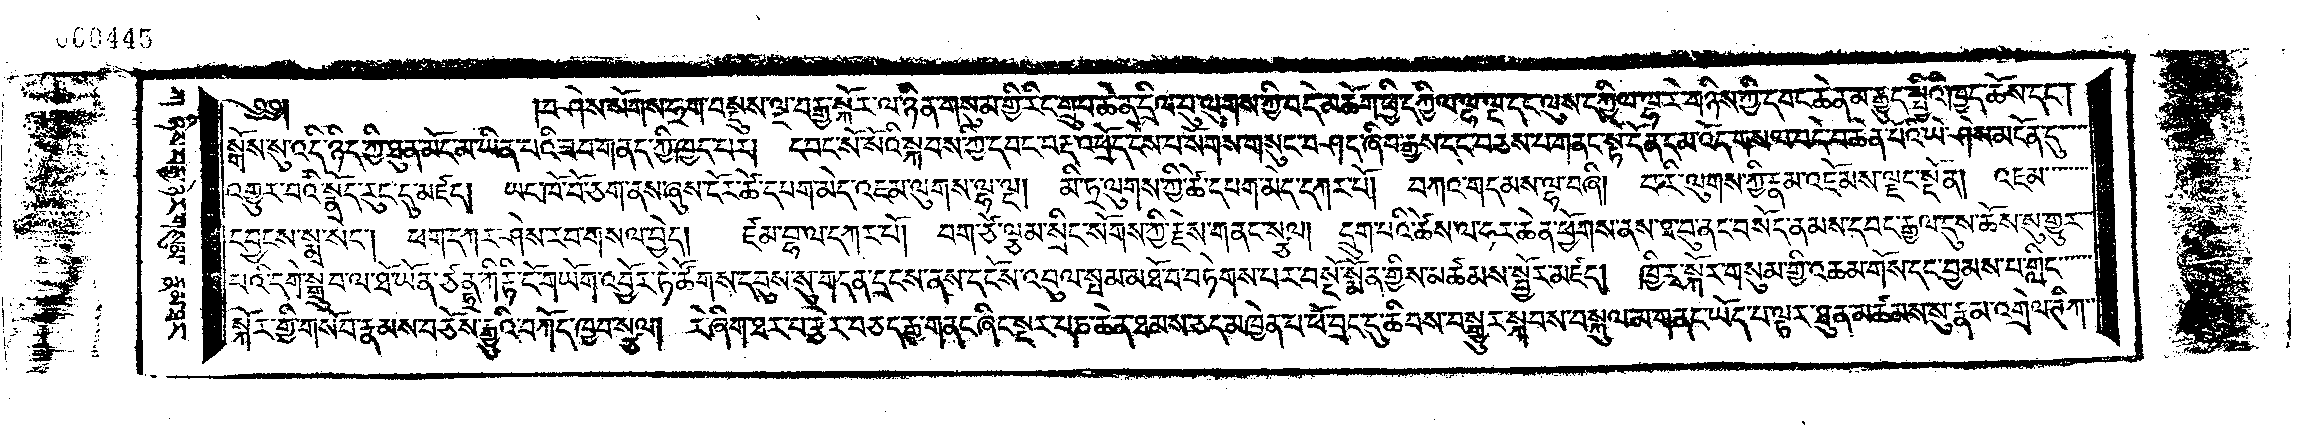༄༅། །བཤེས་སོགས་ཧྲག་བསྡུས་ལྔ་བརྒྱ་སྐོར་ལ་ཉིན་གསུམ་གྱི་རིང་གྲུབ་ཆེན་དྲིལ་བུ་ལུགས་ཀྱི་བདེ་མཆོག་ཕྱི་དཀྱིལ་ལྷ་ལྔ་དང་ལུས་དཀྱིལ་རེ་གཉིས་ཀྱི་དབང་ཆེན་མ་རྒྱུད་སྤྱིའི་ཁྱད་ཆོས་དང་།
སྒོས་སུ་འདི་ཉིད་ཀྱི་ཐུན་མོང་མ་ཡིན་པའི་ཟབ་གནད་ཀྱི་ཁྱད་པར། དབང་སོ་སོའི་སྐབས་ཀྱི་དབང་བརྡ་འཕྲོད་ངེས་པ་སོགས་གསུང་བཤད་ཞིབ་རྒྱས་དང་བཅས་པ་གནང་སྟེ་དོན་དམ་འོད་གསལ་བདེ་བ་ཆེན་པོའི་ཡེ་ཤེས་མངོན་དུ་
འགྱུར་བའི་སྣོད་རུང་དུ་མཛད། ཡང་ཁོ་བོ་ཅག་ནས་ཞུས་ངོར་ཚེ་དཔག་མེད་འཇམ་ལུགས་ལྷ་ལྔ། མི་ཏྲ་ལུགས་ཀྱི་ཚེ་དཔག་མེད་དཀར་པོ། བཀའ་གདམས་ལྷ་བཞི། བ་རི་ལུགས་ཀྱི་རྣམ་འཇོམས་ལྗང་སྔོན། འཇམ་
དབྱངས་སྨྲ་སེང་། ཕག་དཀར་ཤེས་རབ་གསལ་བྱེད། ཛམ་བྷ་ལ་དཀར་པོ། བག་ཙེ་ལྕམ་སྲིང་སོགས་ཀྱི་རྗེས་གནང་སྩལ། དྲུག་པའི་ཚེས་ལ་ཧར་ཆེན་ཕྱོགས་ནས་ཐ་བུ་ནང་བསོད་ནམས་དབང་རྒྱལ་དུས་ཆོས་སུ་གྱུར་
པའི་དགེ་སྒྲུབ་ལ་ཐོ་ཡོན་ཙནྟྲ་ཀིརྟི་ངོ་གཡོག་འབྱོར་ཏེ་ཚོགས་དབུས་སུ་གདན་དྲངས་ནས་དངོས་འབུལ་སྤམ་མཐོ་བ་བཏེགས་པར་བསྔོ་སྨོན་གྱིས་མཚམས་སྦྱོར་མཛད། ཁྱི་རྭ་སྐོར་གསུམ་གྱི་འཆམ་གོས་དང་བྱམས་པ་གླིང་
སྐོར་གྱི་གསོ་བ་རྣམས་བཅོས་རྒྱུའི་བཀོད་ཁྱབ་སྩལ། རེ་ཞིག་ཐར་པ་རྩེར་བཅད་རྒྱ་གནང་ཞིང་སྔར་པཎ་ཆེན་ཐམས་ཅད་མཁྱེན་པ་ཕོ་བྲང་དུ་ཆིབས་བསྒྱུར་སྐབས་བསྐུལ་མ་གནང་ཡོད་པ་ལྟར་ཐུན་མཚམས་སུ་རྣམ་འགྲེལ་ཊི་ཀ་